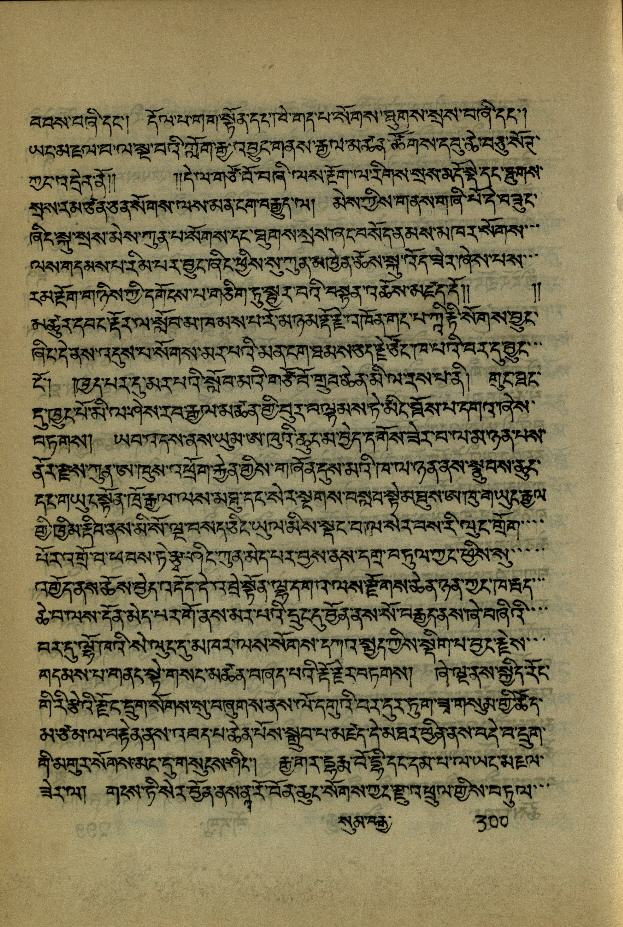བབས་བཞི་དང་། དོལ་པ་གག་སྟོན་དང་ཁེ་གད་པ་སོགས་ཐུག་སྲས་བཞི་དང་།
ཡང་མཇལ་བ་ལ་སྔ་བའི་ཀློག་རྒྱ་འབྱུང་གནས་རྒྱལ་མཚན་ཚོགས་དབུ་ཆེ་བཅུ་སོཊ་
ཀྱང་འདྲེན་ནོ།། །།དེ་ལ་གཙོ་བོ་བཞི་ལས་རྡོག་ལ་རིགས་སྲས་མདོ་སྡེ་དང་ཐུགས་
སྲས་རམ་ཙན་ཅན་སོགས་ལས་མན་ངག་བརྒྱུད་ལ། མེས་ཀྱིས་གནས་གཞི་པོ་དེ་བཟུང་
ཞིང་སྐུ་སྲས་མེས་ཀུན་པ་སོགས་དང་ཐུགས་སྲས་ཞང་བསོད་ནམས་མཁར་སོགས་
ལས་གདམས་པ་རིམ་པར་བྱུང་ཞིང་ཕྱིས་སུ་ཀུན་མཁྱེན་ཆོས་སྐུ་འོད་ཟེར་ཞེས་པས་
རམ་རྡོག་གཉིས་ཀྱི་དགོངས་པ་གཅིག་ཏུ་སྦྱར་བའི་བསྟན་འཆོས་མཛད་དོ།། །།
མཚུར་དབང་རྡོར་ལ་སློབ་མ་ཁམས་པ་རོ་མཉམ་རྡོ་རྗེ་འཁོན་གང་པ་ཀཱིརྟི་སོགས་བྱུང་
ཞིང་དེ་ནས་འདུས་པ་སོགས་མར་པའི་མན་ངག་ཐམས་ཅད་རྗེ་ཙོང་ཁ་པའི་བར་དུ་བྱུང་
ངོ། །ཁྱད་པར་དུ་མར་པའི་སློབ་མའི་གཙོ་བོ་གྲུབ་ཆེན་མི་ལ་རས་པ་ནི། གུང་ཐང་
དུ་ཁྱུང་པོ་མི་ལ་ཤེས་རབ་རྒྱལ་མཚན་གྱི་བུར་བལྟམས་ཏེ་མིང་ཐོས་པ་དགའ་ཞེས་
བཏགས། ཡབ་འདས་ནས་ཡུམ་ཨ་ཁུའི་ཆུང་མ་བྱེད་དགོས་ཟེར་བ་ལ་མཉན་པས་
ནོར་རྫས་ཀུན་ཨ་ཁུས་འཕྲོག་རྐྱེན་གྱིས་གཞོན་དུས་མའི་ཁ་ལ་ཉན་ནས་སྣུབས་ཆུང་
དང་གཡུང་སྟོན་ཁྲོ་རྒྱལ་ལས་མཐུ་དང་སེར་སྔགས་བསླབ་སྟེ་མཐུས་ཨ་ཁུ་གཡུང་རྒྱལ་
གྱི་ཁྱིམ་རྡིབ་ནས་མི་སོ་ལྔ་བསད་ཅིང་ཡུལ་མིས་སྡང་བ་ལ་སེར་བས་རི་ལུང་གྲོག་
པོར་འགྲོ་བ་ཕབས་ཏེ་རྩྭ་ཤིང་ཀུན་མེད་པར་བྱས་ནས་དགྲ་བཏུལ་ཀྱང་ཕྱིས་སུ་
འགྱོད་ནས་ཆོས་བྱེད་འདོད་དེ་འབྲེ་སྟོན་ལྷ་དགའ་ལས་རྫོགས་ཆེན་ཉན་ཀྱང་ཁ་རྦད་
ཆེ་བ་ལས་དོན་མེད་པར་གོ་ནས་མར་པའི་དྲུང་དུ་བྱོན་ནས་སོ་བརྒྱད་ནས་ཞེ་བཞིའི་
བར་དུ་ལྷོ་ཁའི་སེ་ལུང་དུ་མཁར་ལས་སོགས་དཀའ་སྤྱད་ཀྱིས་སྡིག་པ་བྱང་རྗེས་
གདམས་པ་གནང་སྟེ་གསང་མཚན་བཞད་པའི་རྡོ་རྗེར་བཏགས། ཞེ་ལྔ་ནས་སྐྱིད་རོང་
གི་རི་རྩེའི་རྫོང་དྲུག་སོགས་སུ་བཞུགས་ནས་ལོ་དགུའི་བར་དུ་དུར་ཏུག་ཟྭ་གསུམ་གྱི་ཚོད་
མ་ཙམ་ལ་བརྟེན་ནས་འབད་པ་ཆེན་པོས་སྒྲུབ་པ་མཛད་དེ་མཐར་ཕྱིན་ནས་བདེ་བ་དྲུག་
གི་མགུར་སོགས་མང་དུ་གསུངས་ཤིང་། རྒྱ་གར་དྷརྨ་བོ་དྷི་དང་དམ་པ་ལ་ཡང་མཇལ་
ཟེར་ལ། གངས་ཏི་སེར་བྱོན་ནས་ནཱ་རོ་བོན་ཆུང་སོགས་ཀྱང་རྫུ་འཕྲུལ་གྱིས་བཏུལ་